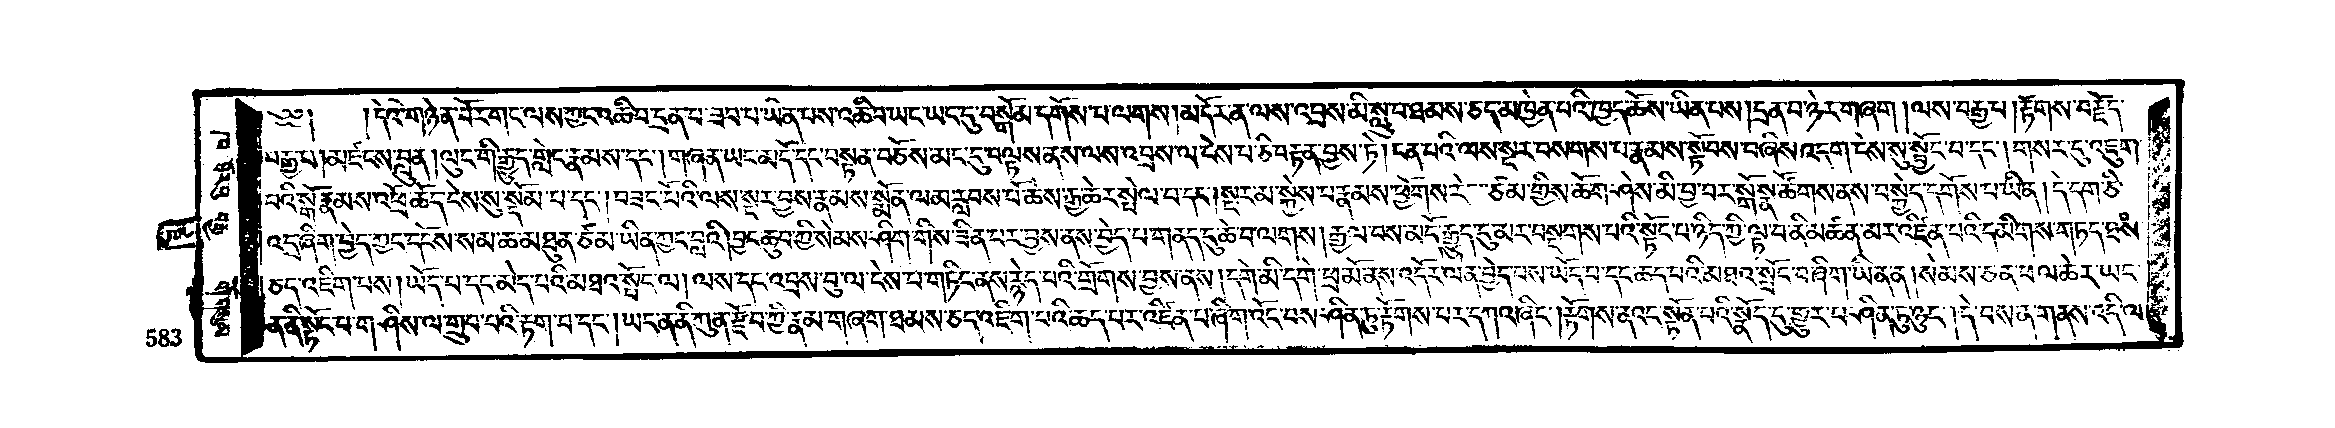༄༅། ། དེའི་གཉེན་པོར་གང་ལས་ཀྱང་འཆི་བ་དྲན་པ་ཟབ་པ་ཡིན་པས་འཆི་བ་ཡང་ཡང་དུ་བསྒོམ་དགོས་པ་ལགས། མདོག་ན་ལས་འབྲས་མི་སླུ་བ་ཐམས་ཅད་མཁྱེན་པའི་ཁྱད་ཆོས་ཡིན་པས། དྲན་པ་ཉེར་གཞག །ལས་བརྒྱ་པ། རྟོགས་བརྗོད་
བརྒྱ་པ། མཛངས་བླུན། ལུང་གི་རྒྱུད་གླིང་རྣམས་དང་། གཞན་ཡང་མདོ་དང་བསྟན་བཅོས་མང་དུ་བལྟས་ནས་ལས་འབྲས་ལ་ངེས་པ་ཅི་བརྟན་བྱས་ཏེ། ངན་པའི་ལས་སྔར་བསགས་པ་རྣམས་སྟོབས་བཞིས་འདག་ངེས་སུ་སྦྱོང་བ་དང་། གསར་དུ་འཇུག་
པའི་སྒོ་རྣམས་འཕྲོ་ཆོད་ངེས་སུ་སྡོམ་པ་དང་། བཟང་པོའི་ལས་སྔར་བྱས་རྣམས་སྨོན་ལམ་རླབས་པོ་ཆེས་རྒྱ་ཆེར་སྤེལ་བ་དང་། སྔར་མ་སྐྱེས་པ་རྣམས་ཕྱོགས་རེ་ཙམ་གྱིས་ཆོ་ག་ཤེས་མི་བྱས་བར་སྒོ་སྣ་ཚོགས་ནས་བསྐྱེད་དགོས་པ་ཡིན། དེ་དག་ཅི་
འདྲ་ཞིག་བྱེད་ཀྱང་དངོས་སམ་ཆ་མཐུན་ཙམ་ཡིན་ཀྱང་བླའི། བྱང་ཆུབ་ཀྱི་སེམས་ཤིག་གིས་ཟིན་པར་བྱས་ནས་བྱེད་པ་གནད་དུ་ཆེ་བ་ལགས། རྒྱལ་བས་མདོ་རྒྱུད་དུ་མར་བསྔགས་པའི་སྟོང་པ་ཉིད་ཀྱི་ལྟ་བ་ནི་མཚན་མར་འཛིན་པའི་དམིགས་གཏད་ཐམས་
ཅད་འཇིག་པས། ཡོད་པ་དང་མེད་པའི་མཐའ་སྤོང་ལ། ལས་དང་འབྲས་བུ་ལ་ངེས་པ་གཏིང་ནས་རྙེད་པའི་གྲོགས་བྱས་ནས། དགེ་མི་དགེ་ཕྲ་མོ་ནས་འདོར་ལེན་བྱེད་པས་ཡོད་པ་དང་ཆད་པའི་མཐའ་སྤོང་བ་ཞིག་ཡིན་ན། །སེམས་ཅན་ཕལ་ཆེར་ཡང་
ན་ནི་སྟོང་པ་གཤིས་ལ་གྲུབ་པའི་རྟག་པ་དང་། ཡང་ན་ནི་ཀུན་རྫོབ་ཀྱི་རྣམ་གཞག་ཐམས་ཅད་འཇིག་པའི་ཆད་པར་འཛིན་པ་ཞིག་འོང་བས་ཤིན་དུ་རྟོགས་པར་དཀའ་ཞིང་། རྟོགས་ནའང་སྟོན་པའི་སྣོད་དུ་གྱུར་པ་ཤིན་ཏུ་ཉུང་། དེ་བས་ན་གནས་འདི་ལ་